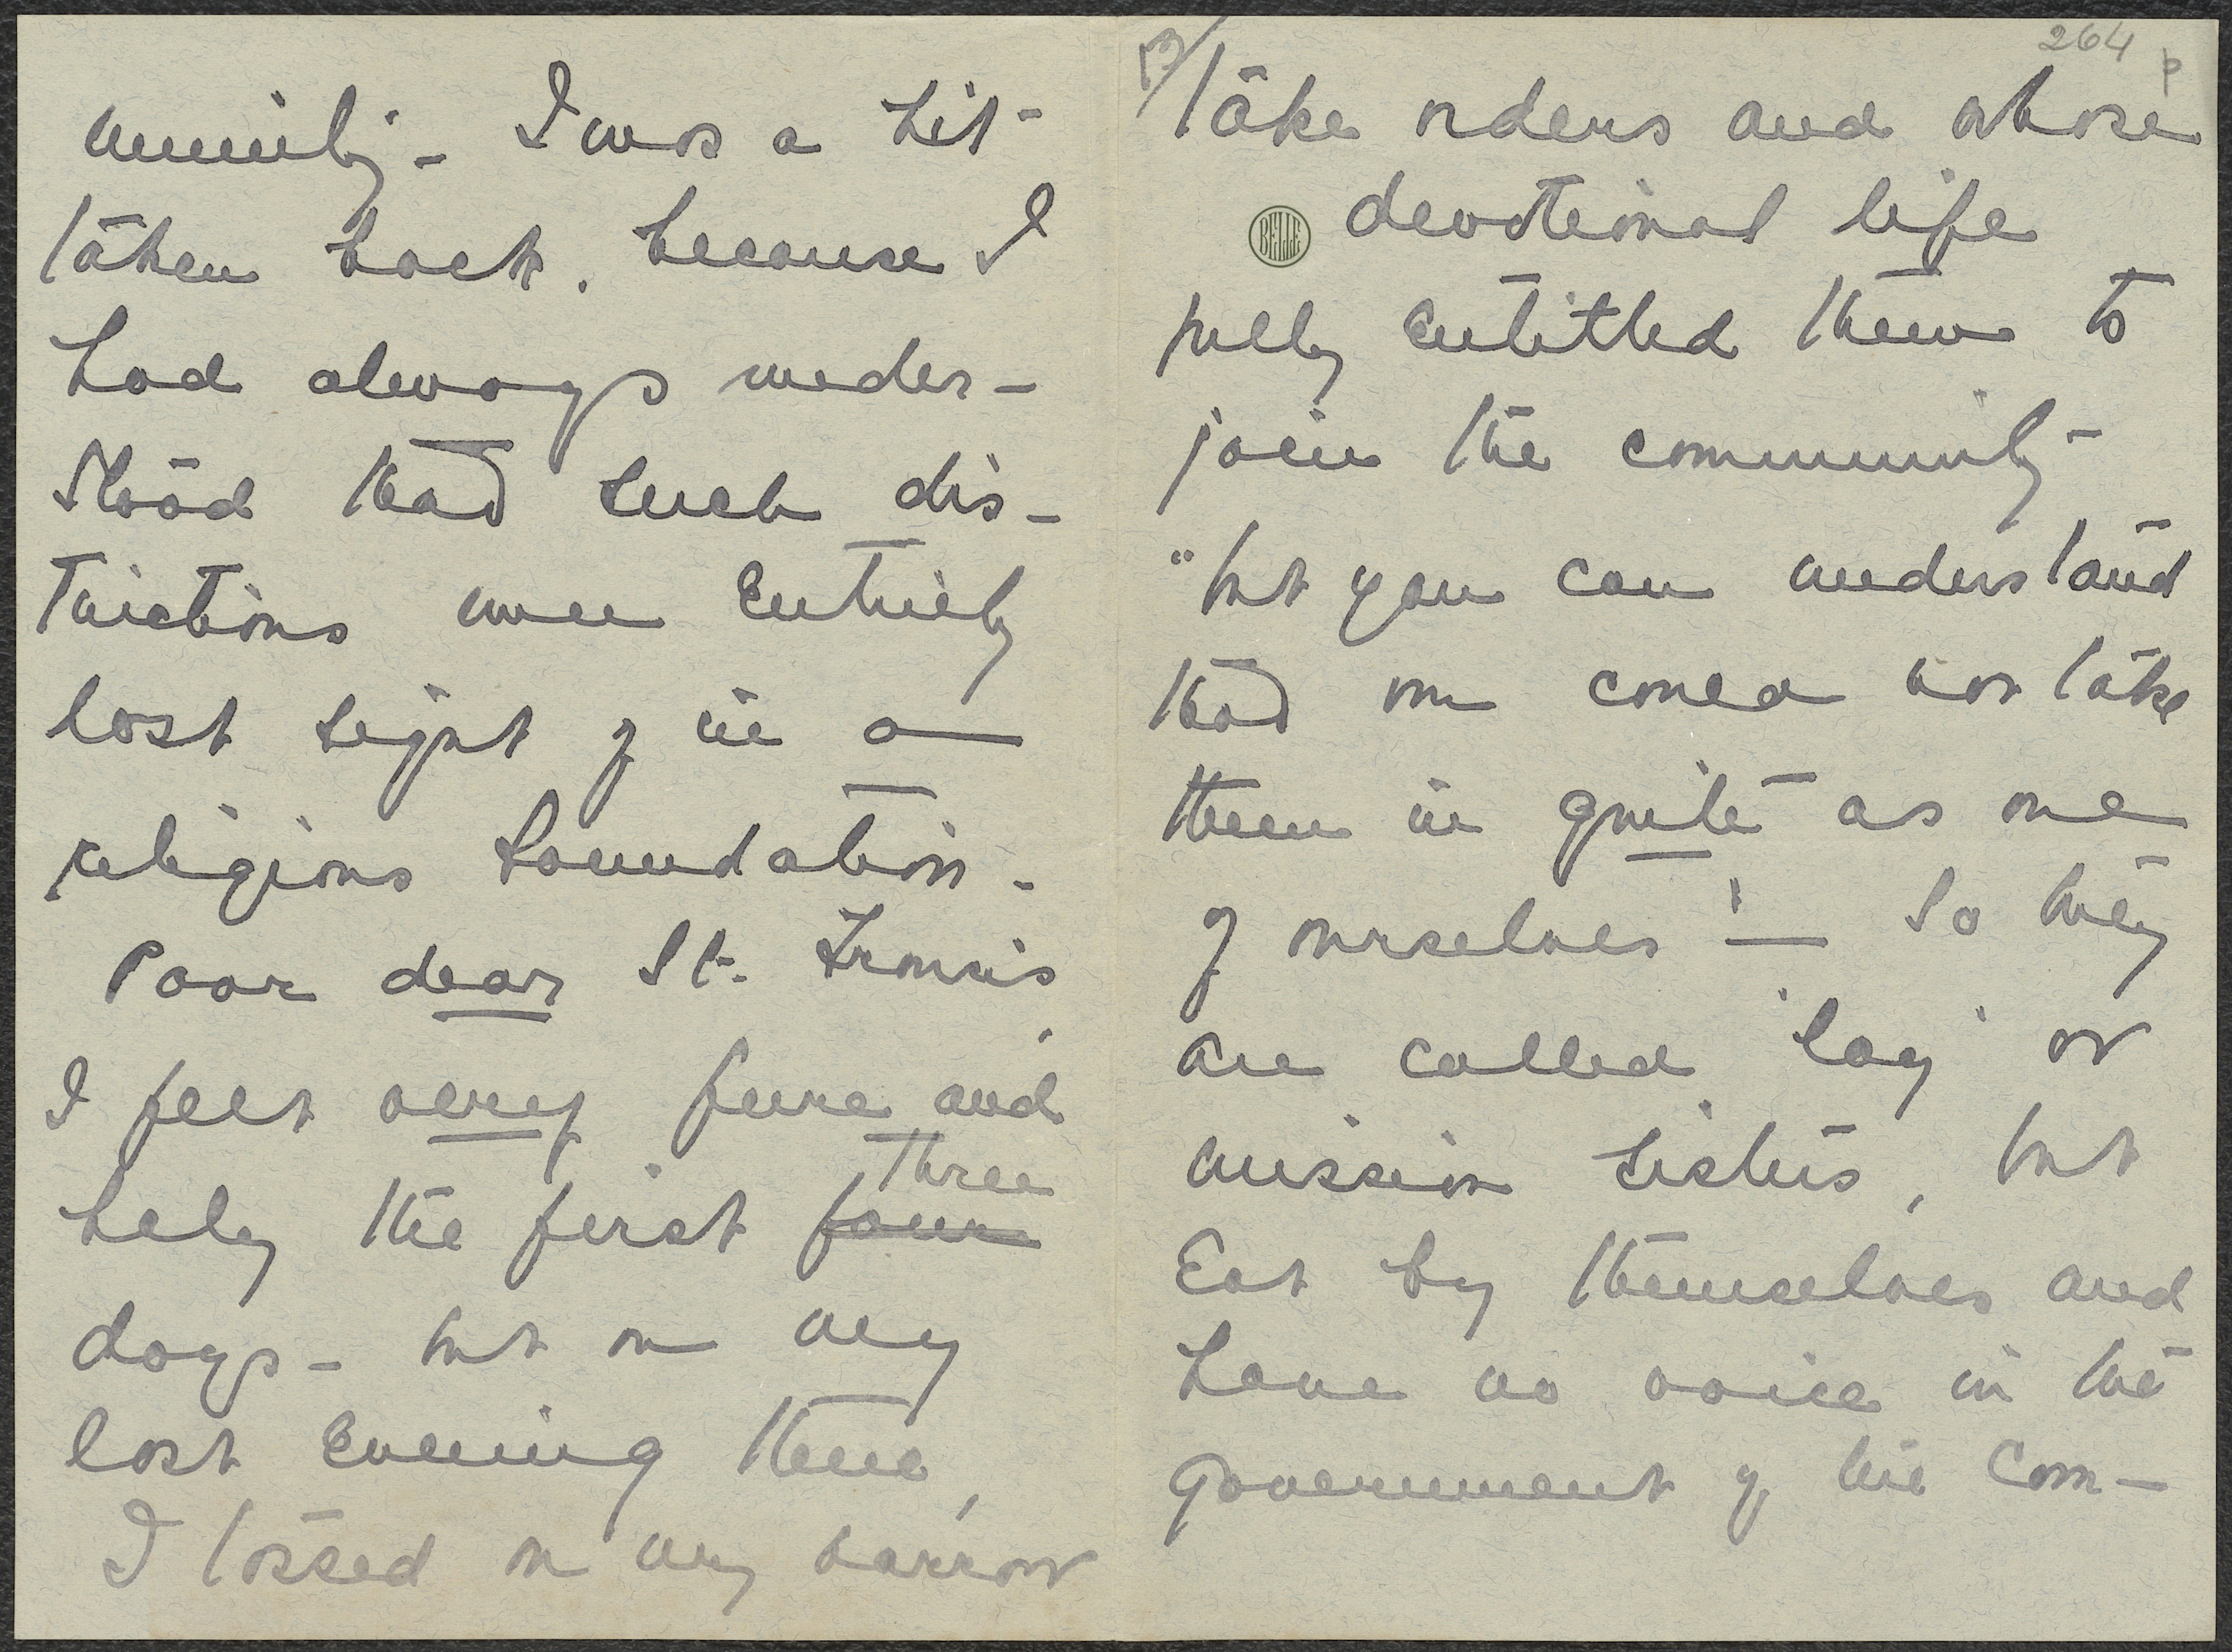13/
take orders and whose devotional life fully entitled them to join the community “but you can understand that we could not take them in quite as one of ourselves” – so they are called “lay” or mission sisters, but eat by themselves and have no voice in the government of the
community – I was a bit taken aback, because I had always understood that such distinctions were entirely lost sight of in a religious foundation – Poor dear St. Francis I felt very pure and holy the first four [^three^] days – but on my last evening there, I tossed on my barron